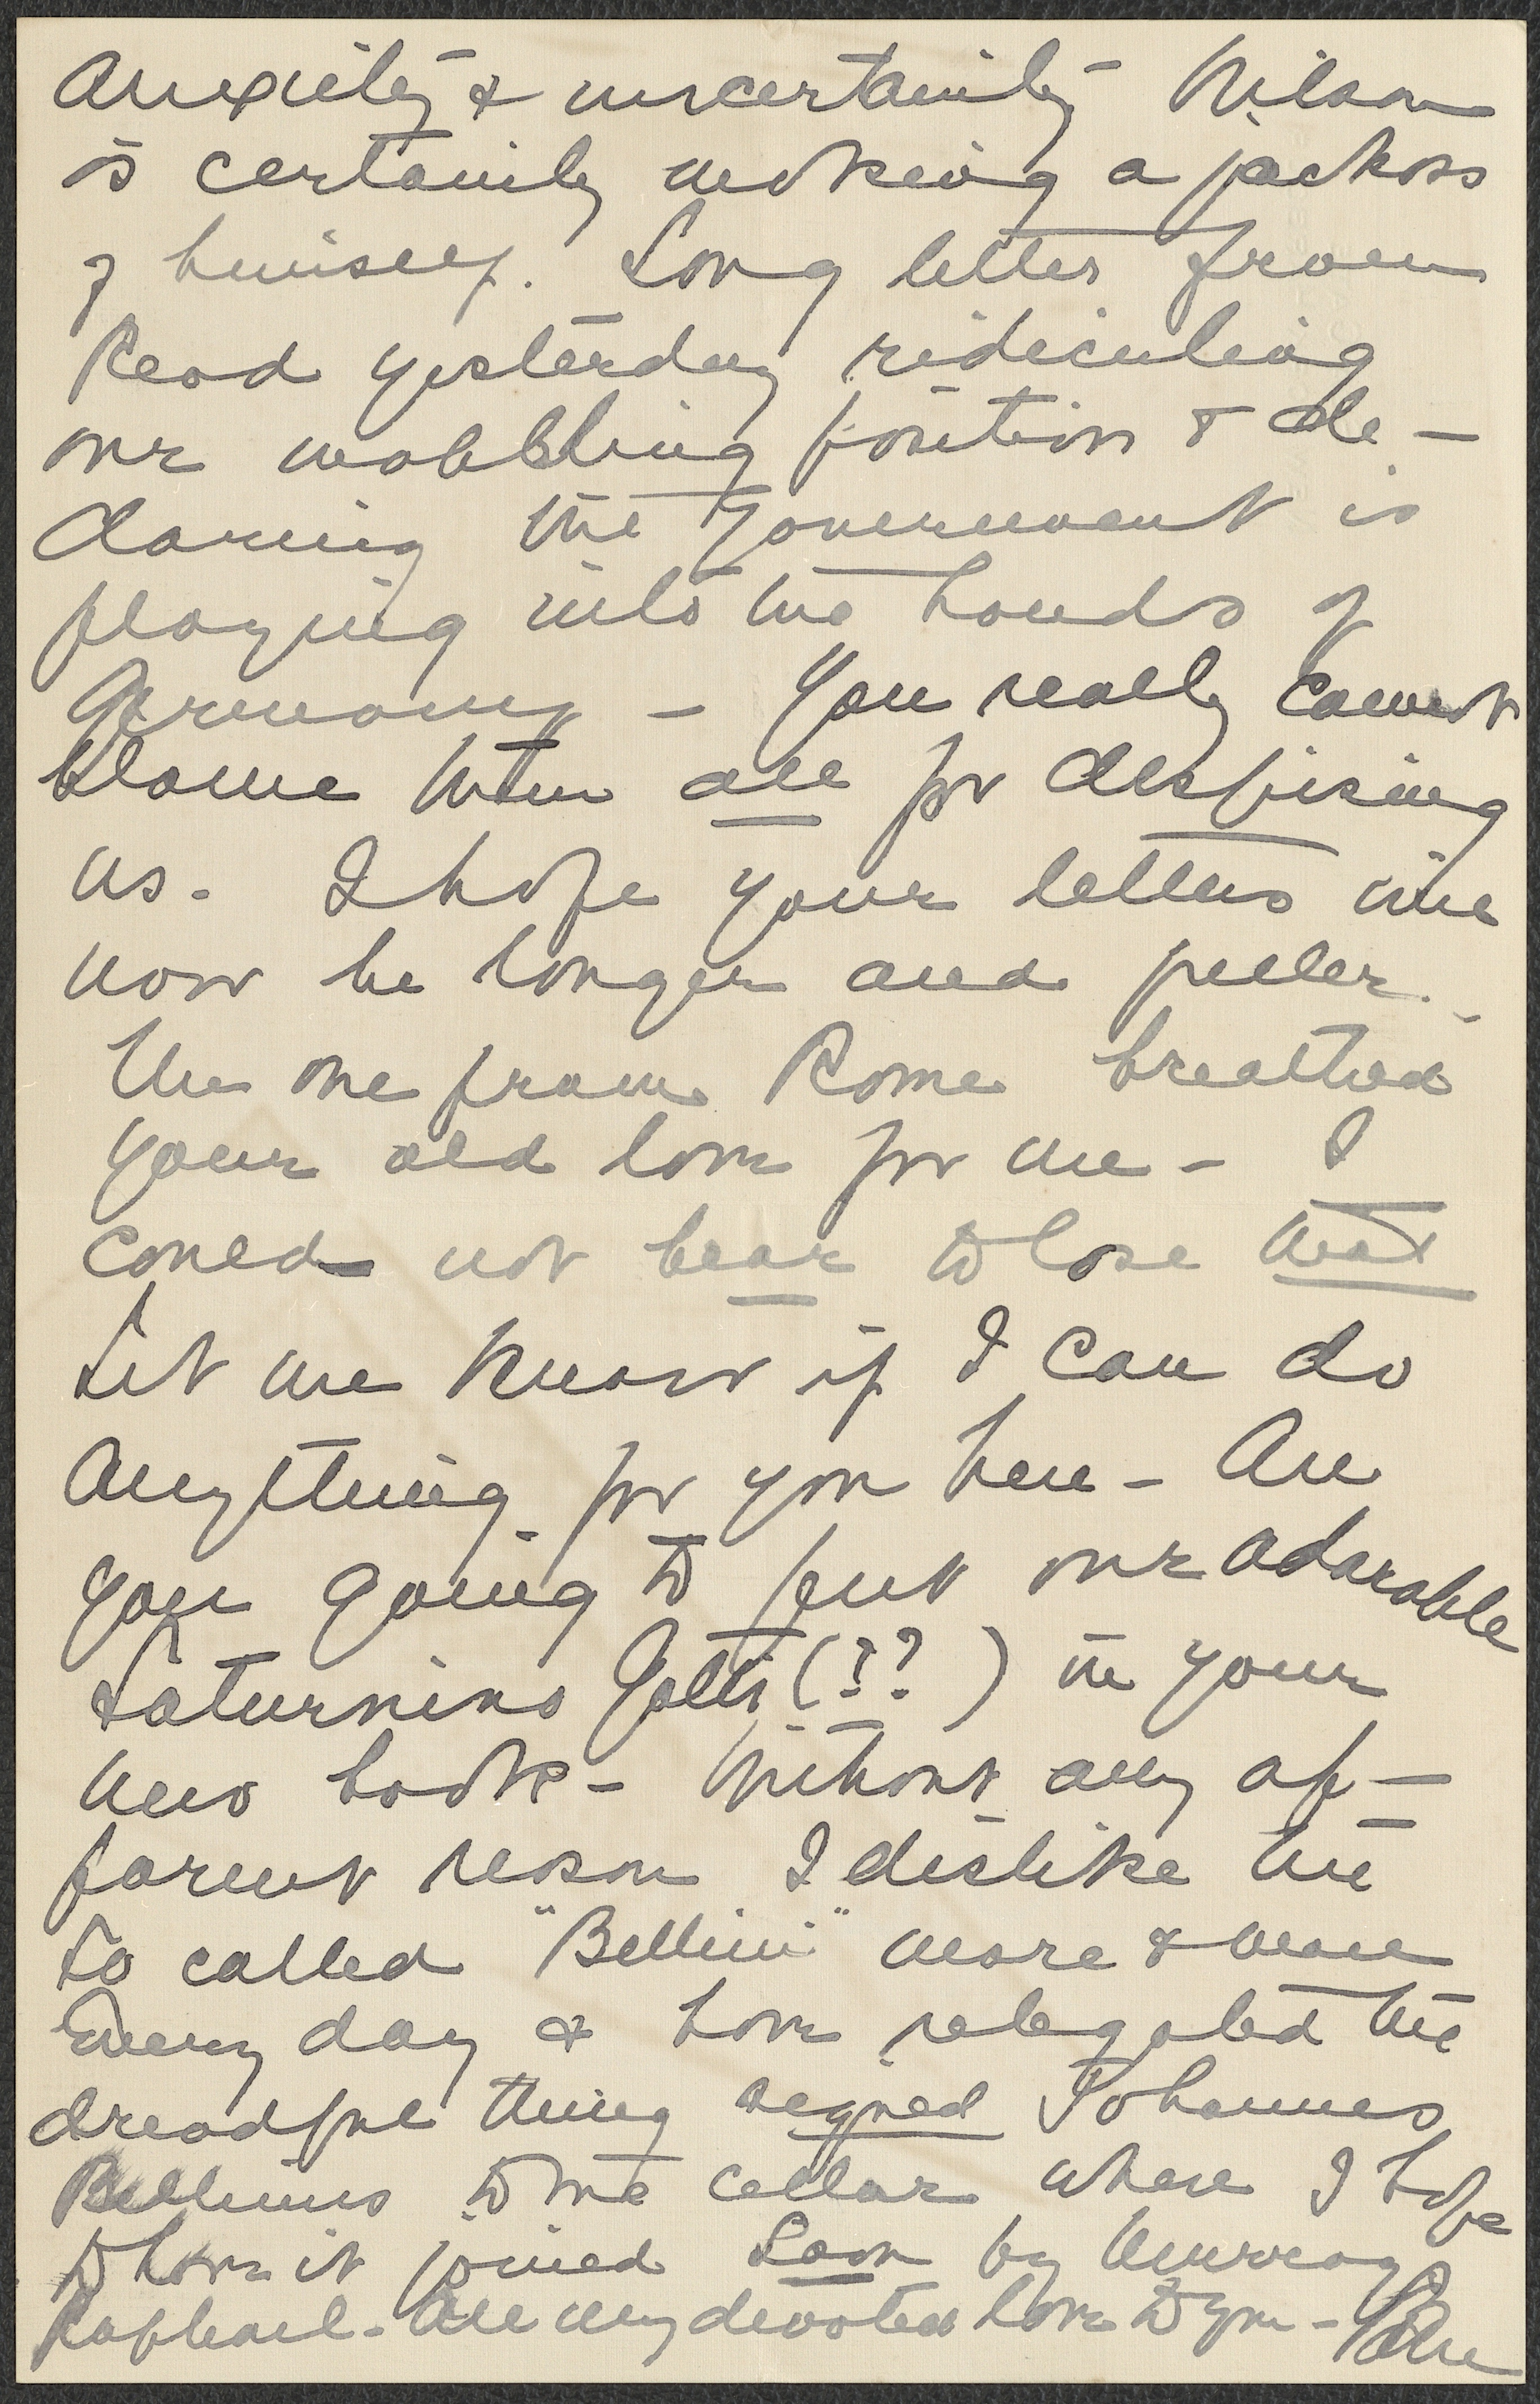anxiety & uncertainty Wilson is certainly making a jackass of himself. Long letter from Read yesterday ridiculing our wobbling position & declaring the government is playing into the hands of Germany – You really cannot blame them all for despising us. I hope your letters will now be longer and fuller. The one from Rome breathed your old love for me – I could not bear to lose that Let me know if I can do anything for you here – Are you going to put our adorable Saturnino Gatti (??) in your new book – Without any apparent reason I dislike the so called "Bellini" more & more every day & have relegated the dreadful thing signed Johannes Bellinus to the cellar where I hope to have it joined soon by Murrays Raphael. All my devoted love to you – Belle